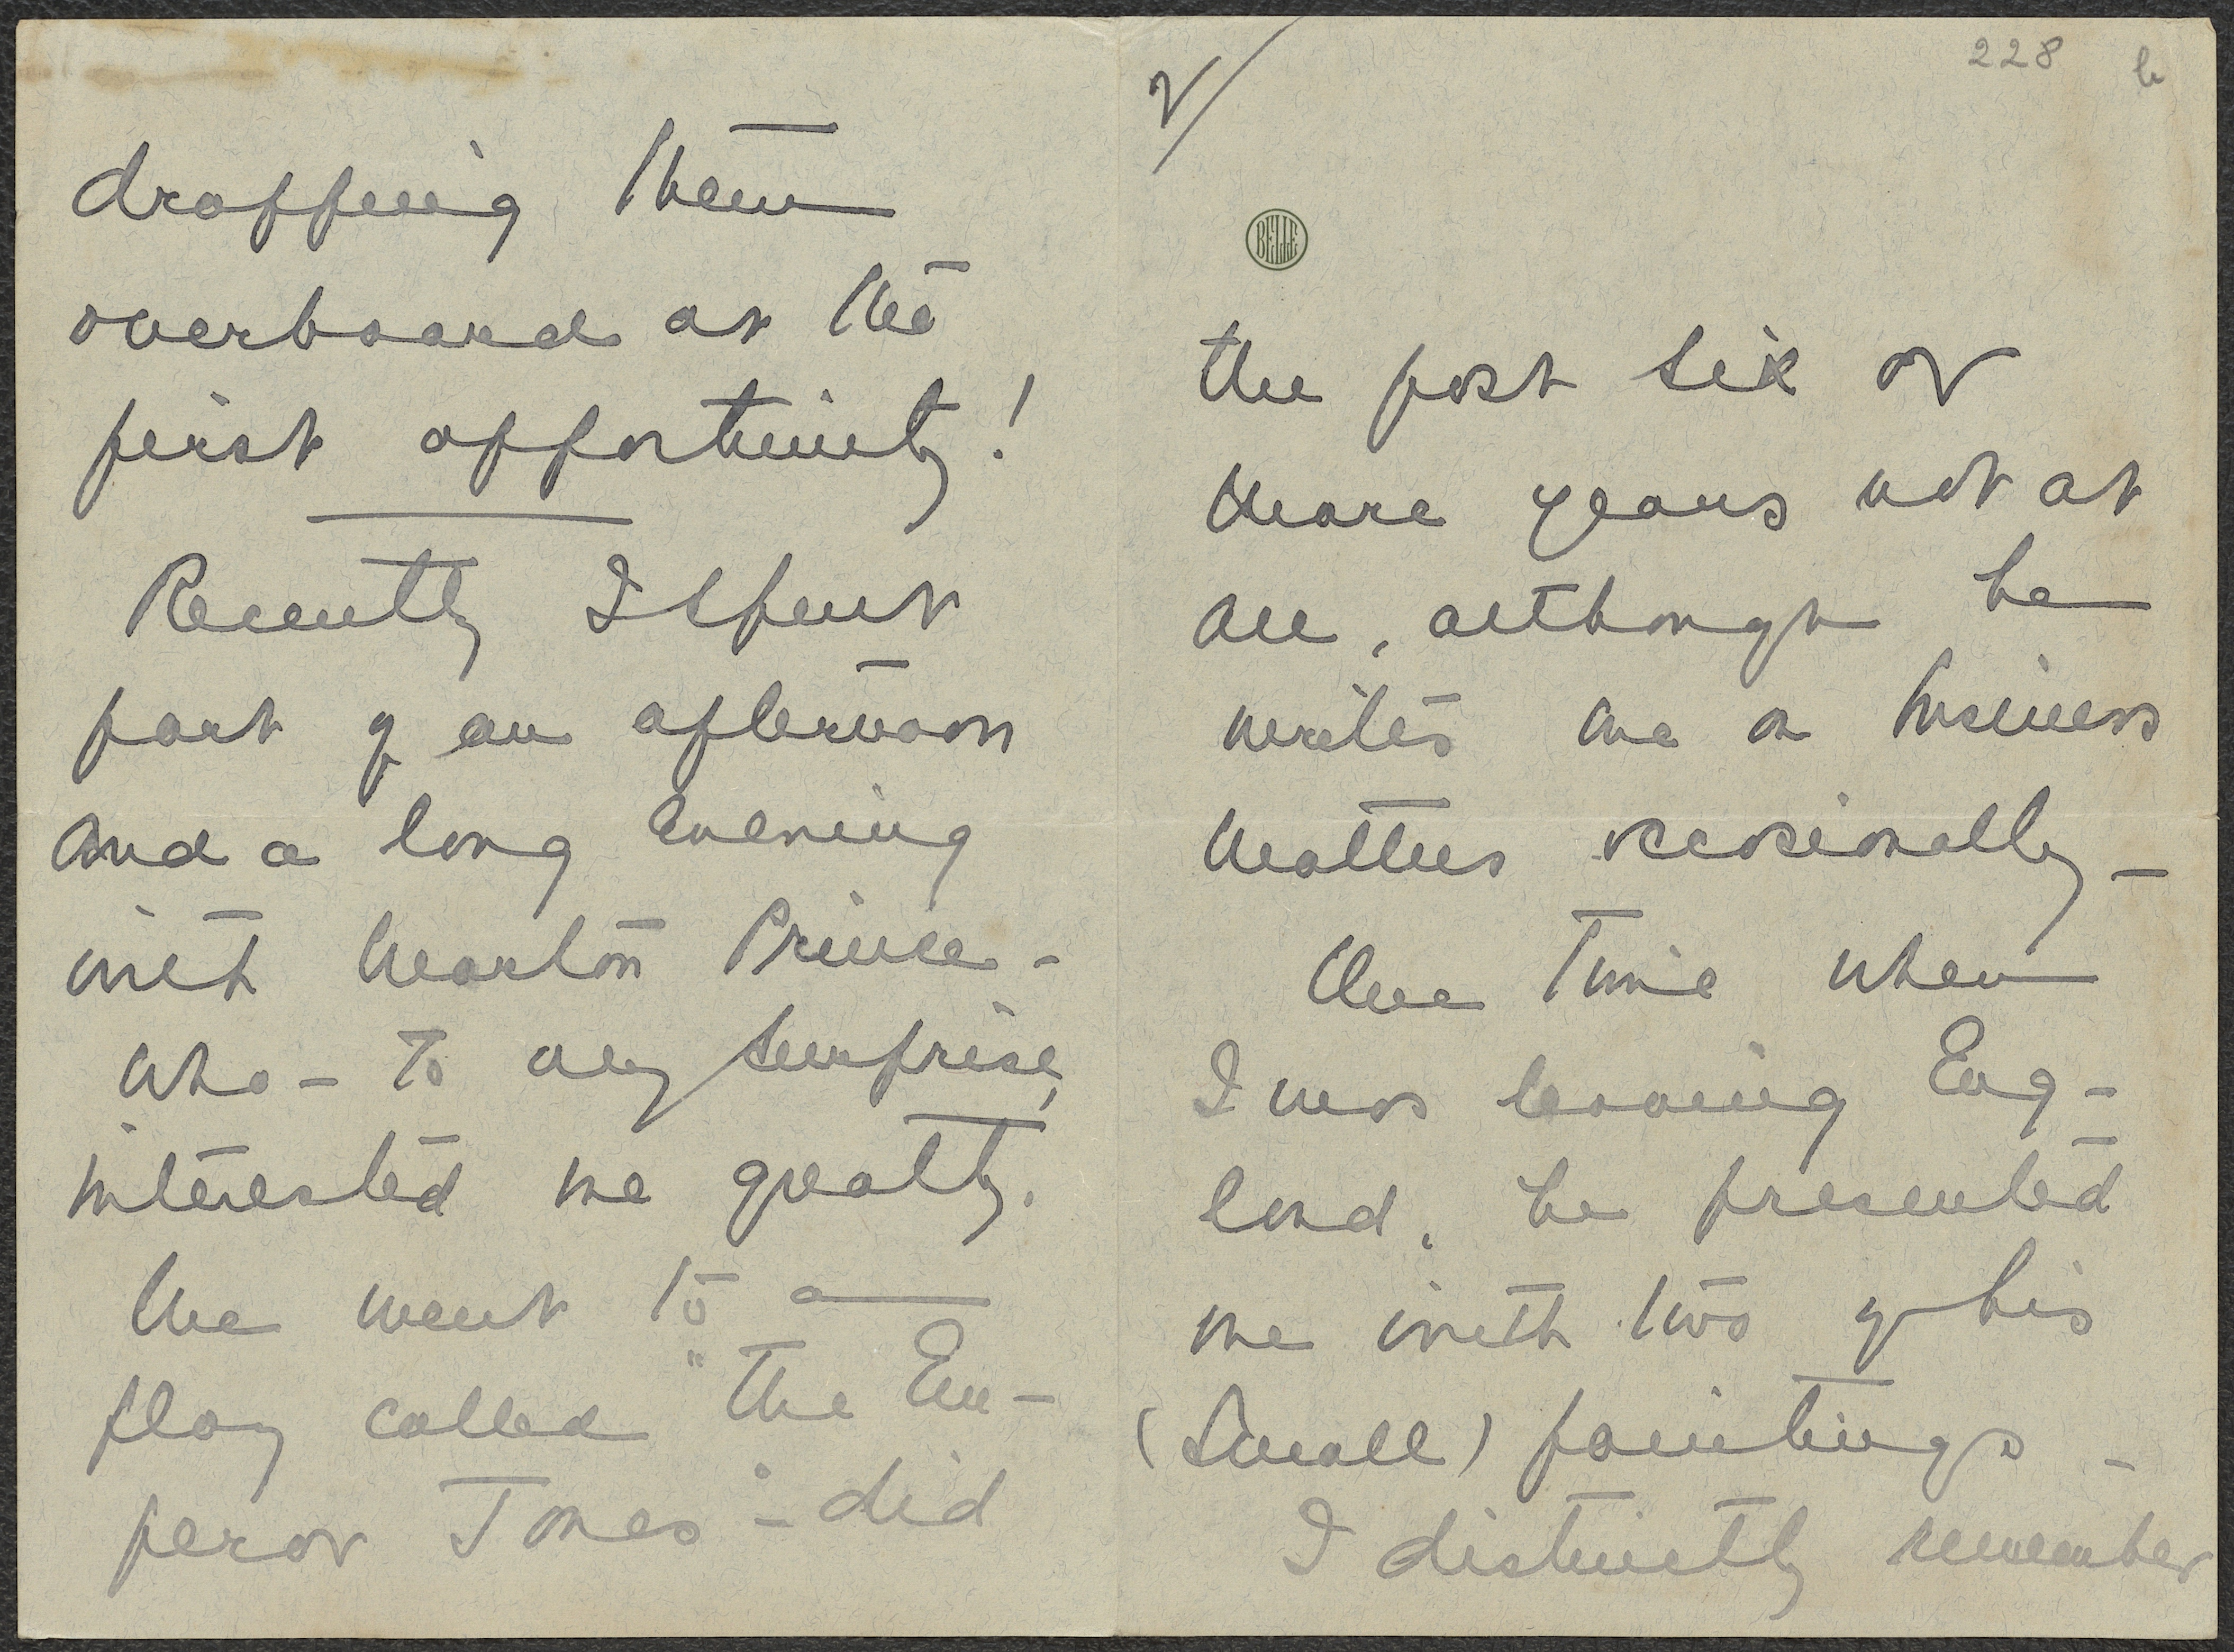the past six or more years not at all, although he writes me on business matters occasionally –
One time when I was leaving England, he presented me with two of his (small) paintings – I distinctly remember
dropping them overboard at the first opportunity!
Recently I spent part of an afternoon and a long evening with Warton Prince – who – to any surprise interested me greatly. We went to a play called “The Emperor Jones” – did